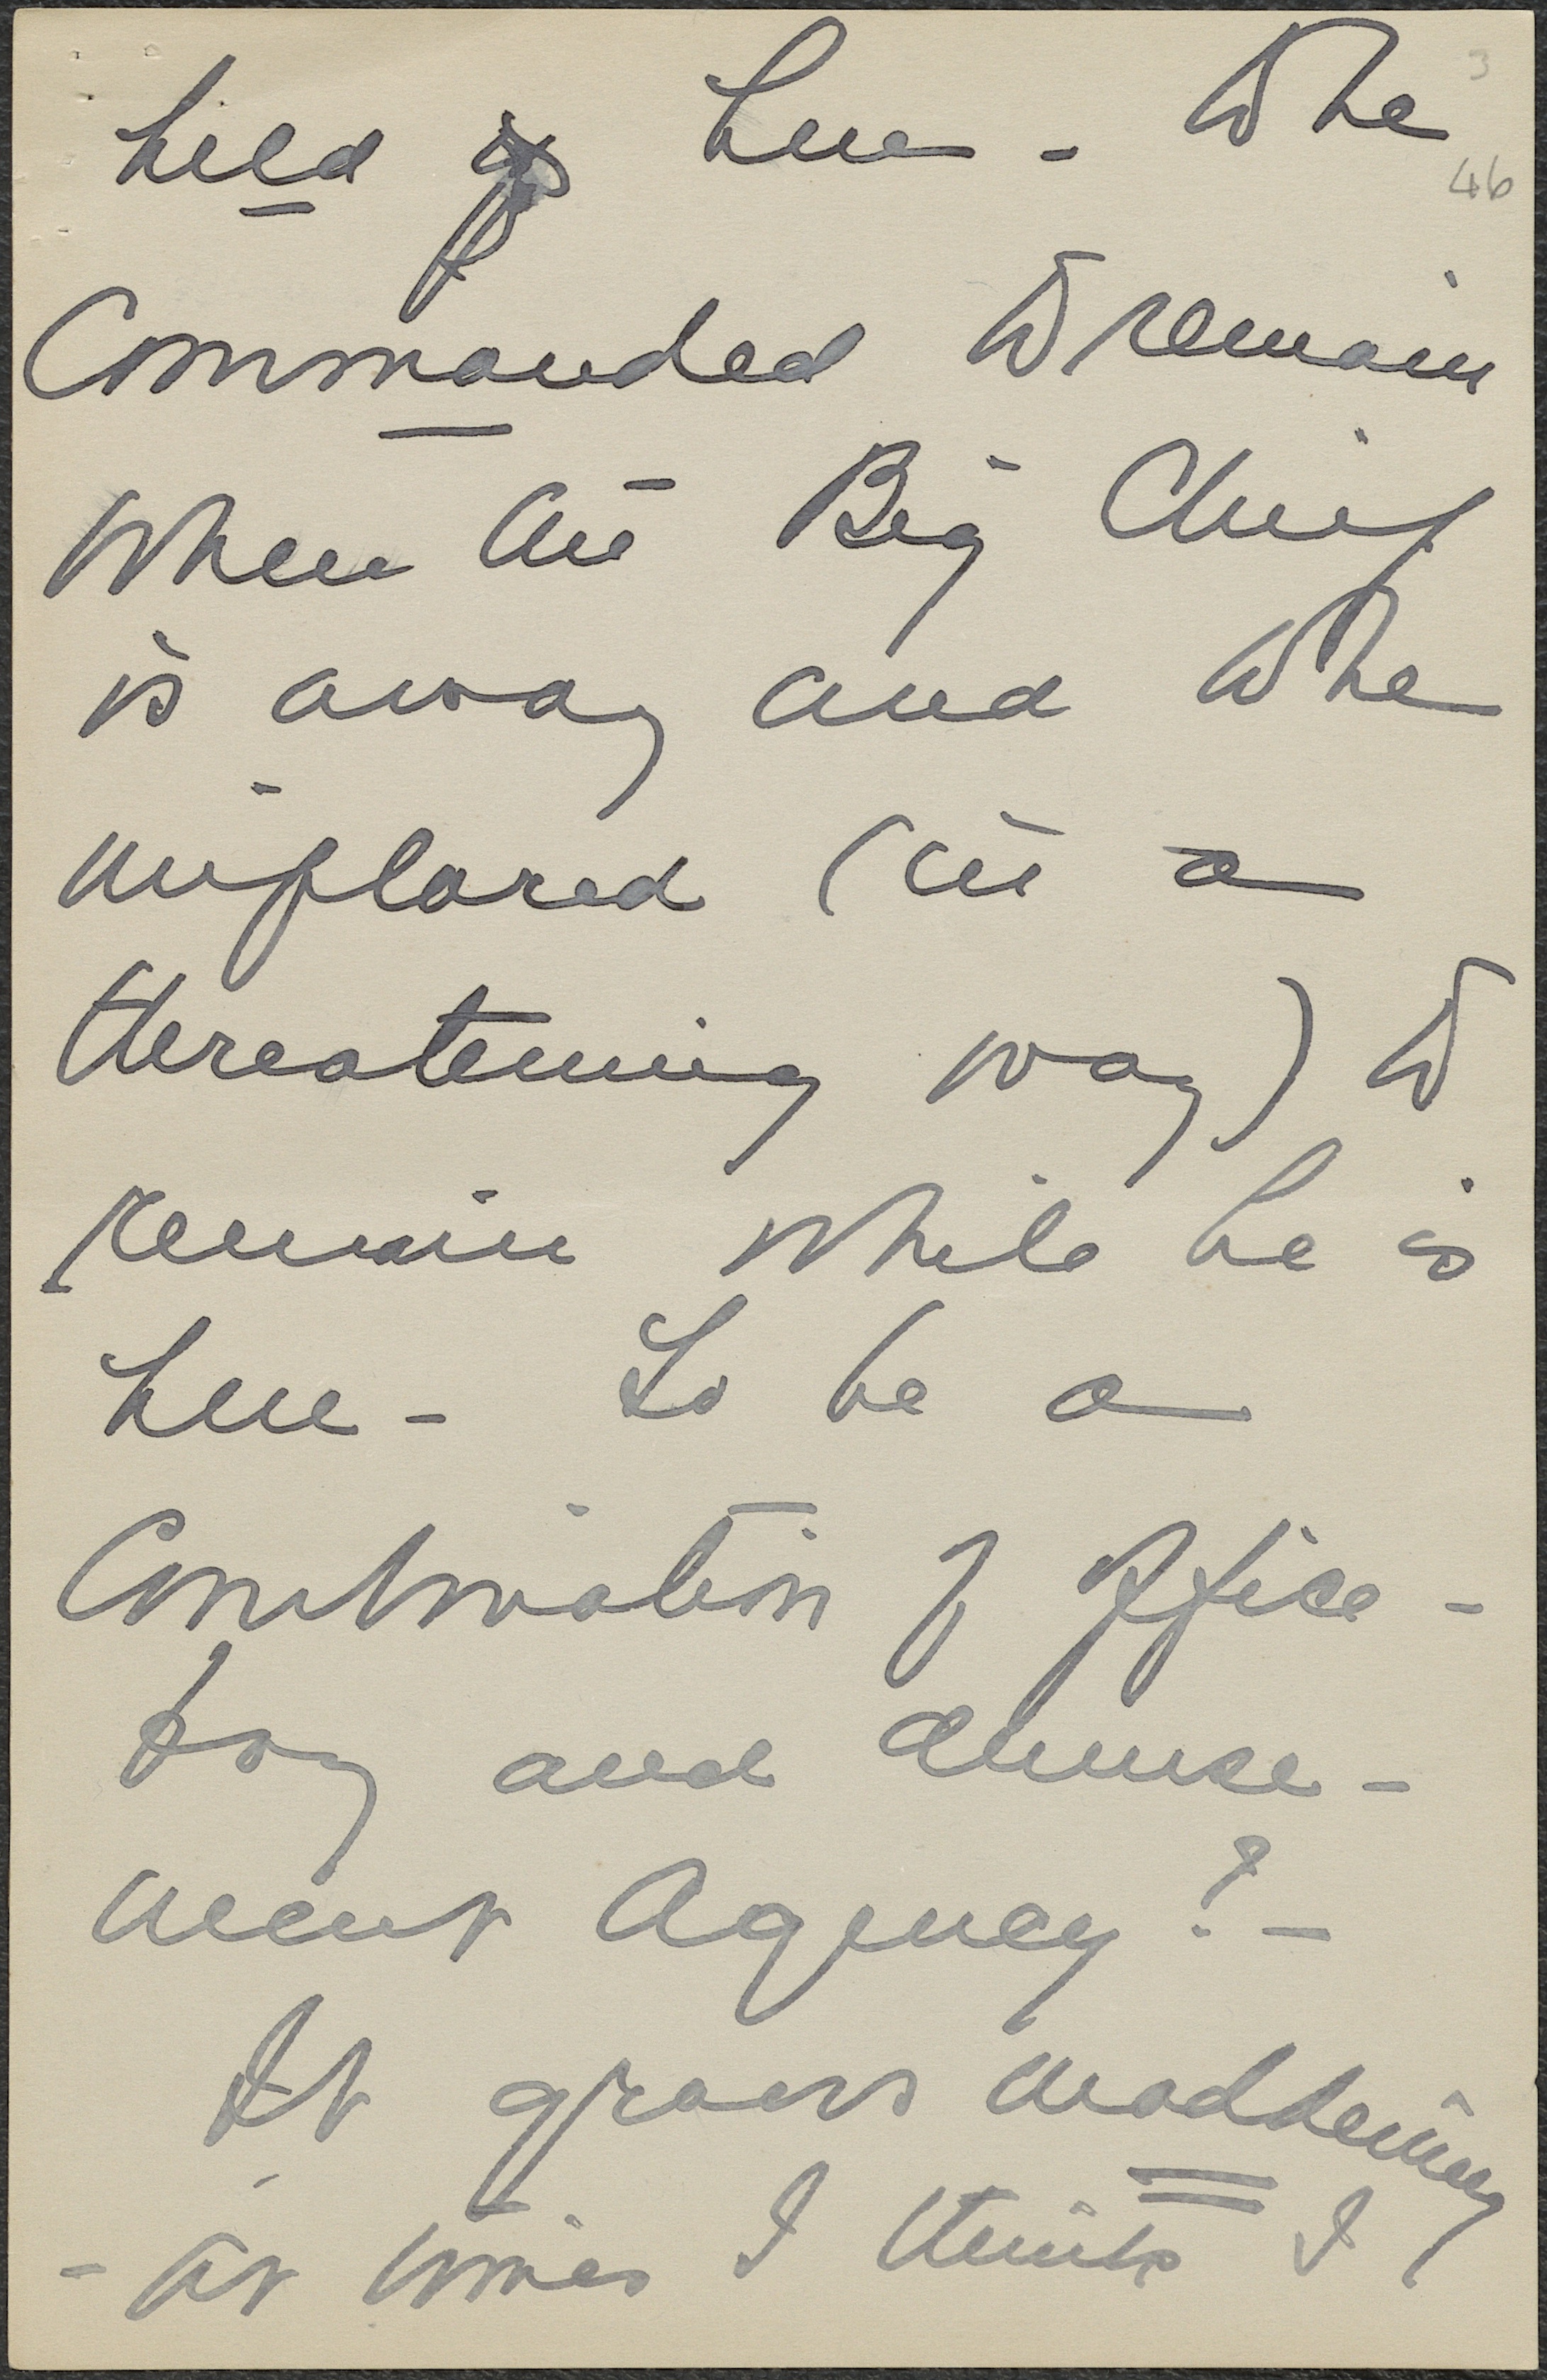held up here – to be commanded to remain when the Big Chief is away and to be implored (in a threatening way) to remain while he is here – To be a combination of office boy and amusement agency? – It grows [double underlined: maddening] – at times I think I